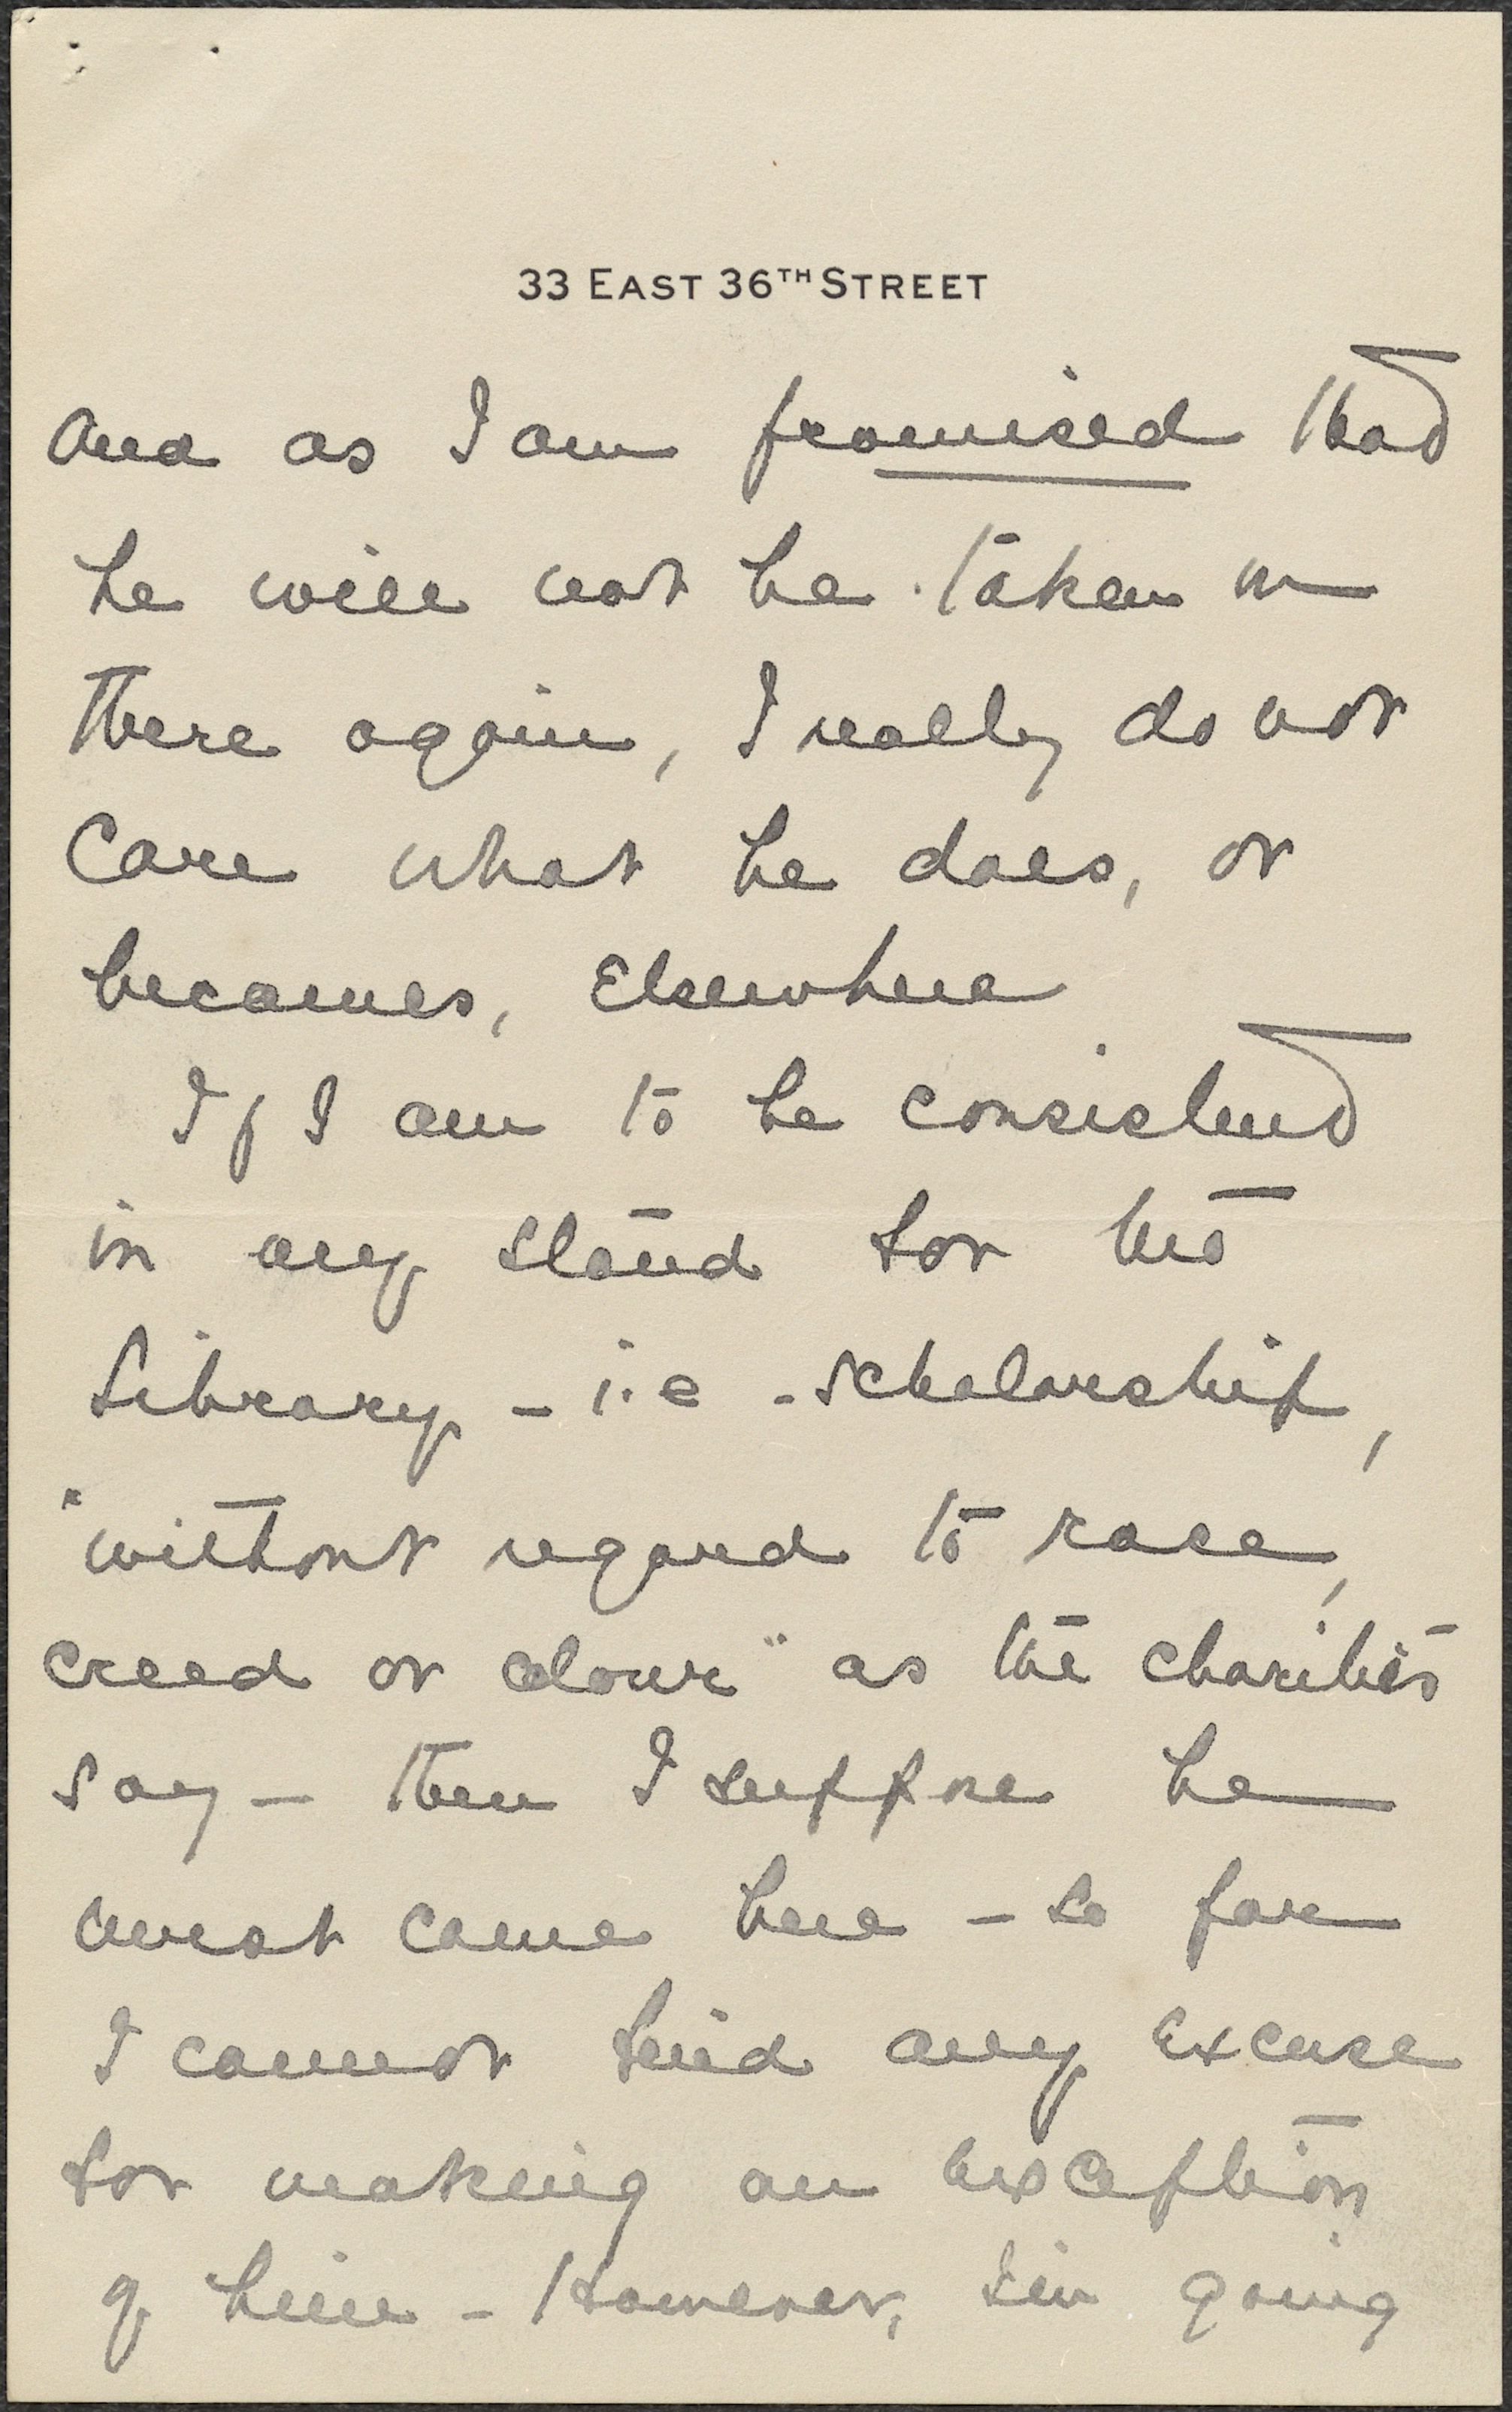and as I am promised that he will not be taken on there again, I really do not care what he does, or becomes, elsewhere.
If I am to be consistent in my stand for the Library – i.e. scholarship, "without regard to race, creed or colour" as the charities say – then I suppose he must come here – so far I cannot find any excuse for making an exception of him – However, I'm going